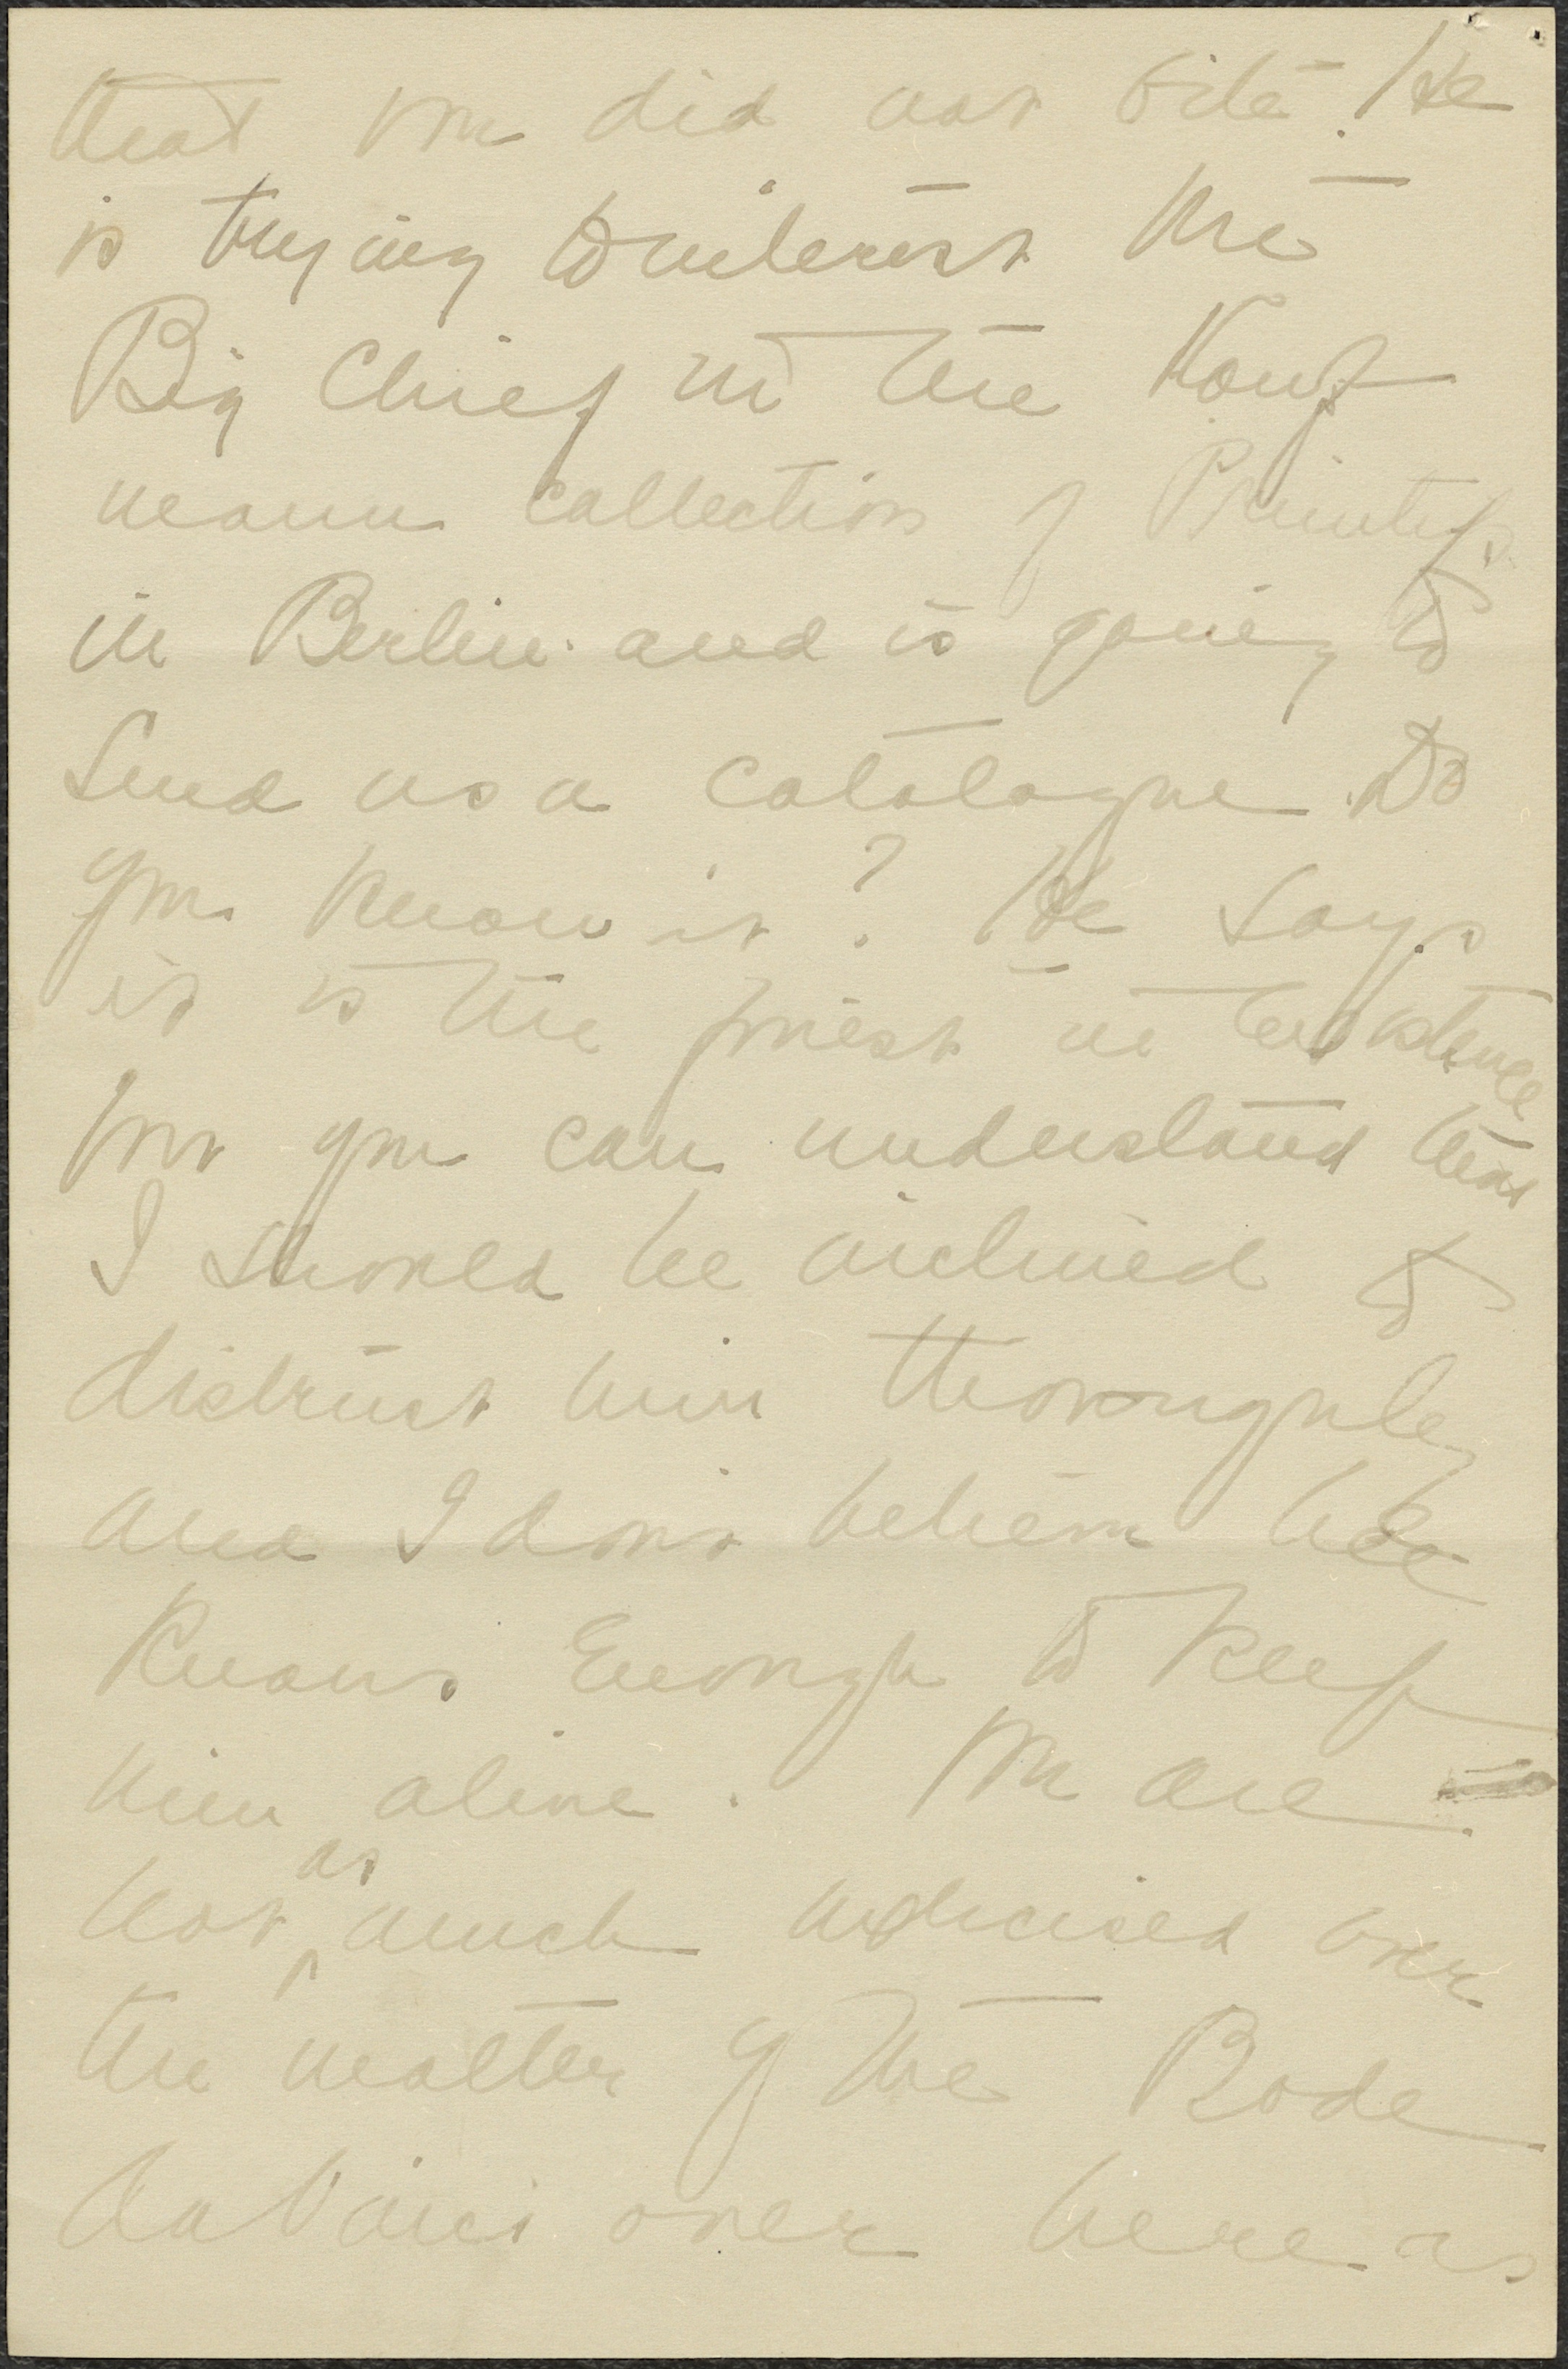that we did not bite. He is trying to interest the Big Chief in the Kaufmann collection of Primitifs in Berlin and is going to send us a catalogue. Do you know it? He says it is the finest in existence but you can understand that I should be inclined to distrust him thoroughly and I don’t believe hee [sic] knows enough to keep him alive. We are not [ˆasˆ] much exercised over the matter of the Bode da Vinci over here as